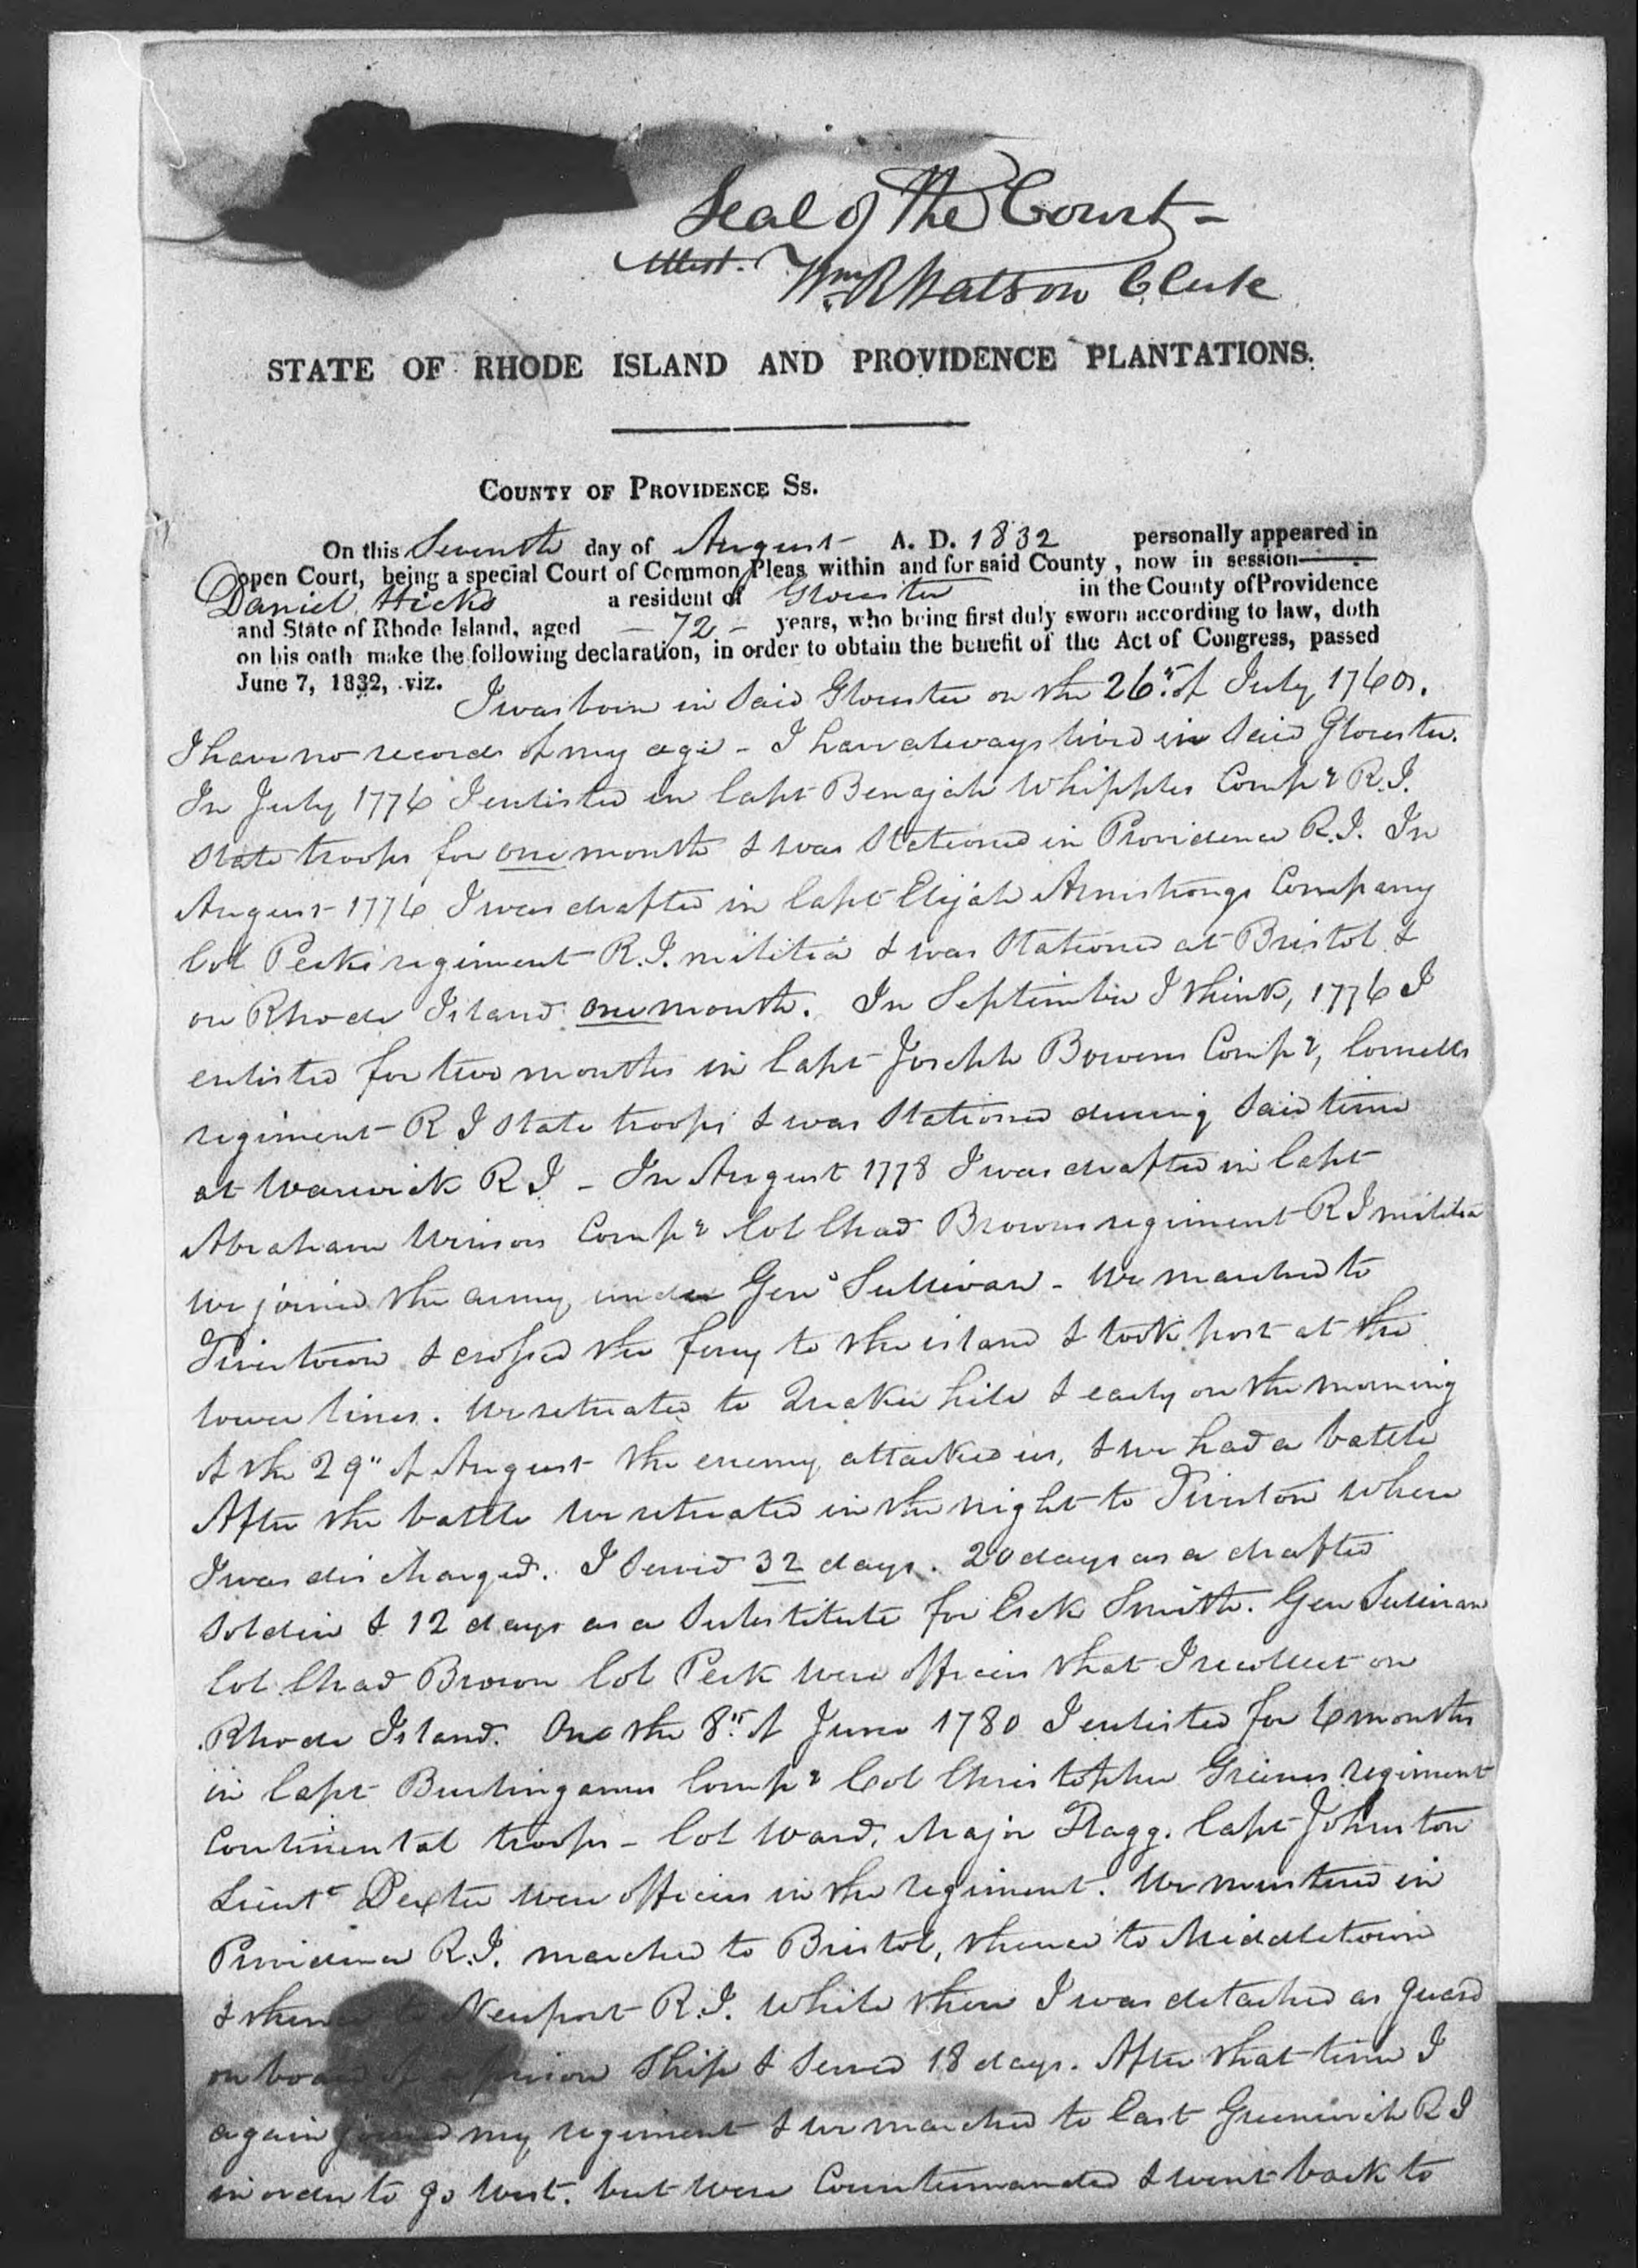STATE OF RHODE ISLAND AND PROVIDENCE PLANTATIONS.

COUNTY OF PROVIDENCE SS.
On this Seventh day of August A.D. 1832
personally appeared in
open Court, being a special Court of Common Pleas within and for said County, now in session
Daniel Hicks
a resident of Glocester in the County of Providence and and State of Rhode Island, aged 72 years, who being first duly sworn according to law, doth
on his oath make the following declaration, in order to obtain the benefit of the Act of Congress, passed
June 7, 1832, viz.
I was born in said Glouster on the 26th of July 1760.
I have no record of my age. I have always lived in said Glouster
In July 1776 I enlisted in Capt Benajah Whipples Comp R.I.
State troops for one month & was stationed in Providence R.I. In
August 1776 I was drafted in Capt Elijah Armstrongs Company
Col Peck regiment R.I. Militia & was stationed at Bristol &
on Rhode Island one month. In September I think, 1776
enlisted for two months in Capt Joseph Bowen Comp, Cornells
regiment R I State troops & was stationed during said time
at Warwick - In August 1778 I was drafted in Capt
Abraham Winsor Complot Chad Browns regiment I militia
we joined the army under Genl Sullivan - we marched to
Tivertown & crossed the force to the island & took post at the
lower lines, situated to Quaker hill & early on the morning
of the 29 of August the enemy attacked in, & he had a battle
After the battle we situated in the night to Trenton when
I was discharged. I served 32 day 20 days as a drafted
Soldier & 12 days as a Substitute for Eck Smith. Gen Sullivan
Col Thad Brown lot Peck were officers that I recollect on
Rhode Island. On the 8th June 1780 I enlisted for 6 months
in Capt Burlingame Comp Col Christopher Greenes regiment
Continental troops, Col Ward, Major Hagg, Capt Johnston
Lieut Dexter were officers in the regiment. We entered in
Providence R.I. marched to Bristol, thence to Middleton
I then
Newport R. I. While there I was detached as guard
now ship & served 18 days. After that time I
again my regiment & we marched to East Greenwich I
in order to go west, but were countermanded I went back to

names: Johnston, Wm R Watson, Sullivan, Dexter, Sullivan, Esek Smith, Peck, Daniel Hicks, Plagg, Shad Brown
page: 4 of 17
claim: survivor's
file: S. 21285, Daniel Hicks, R.I.